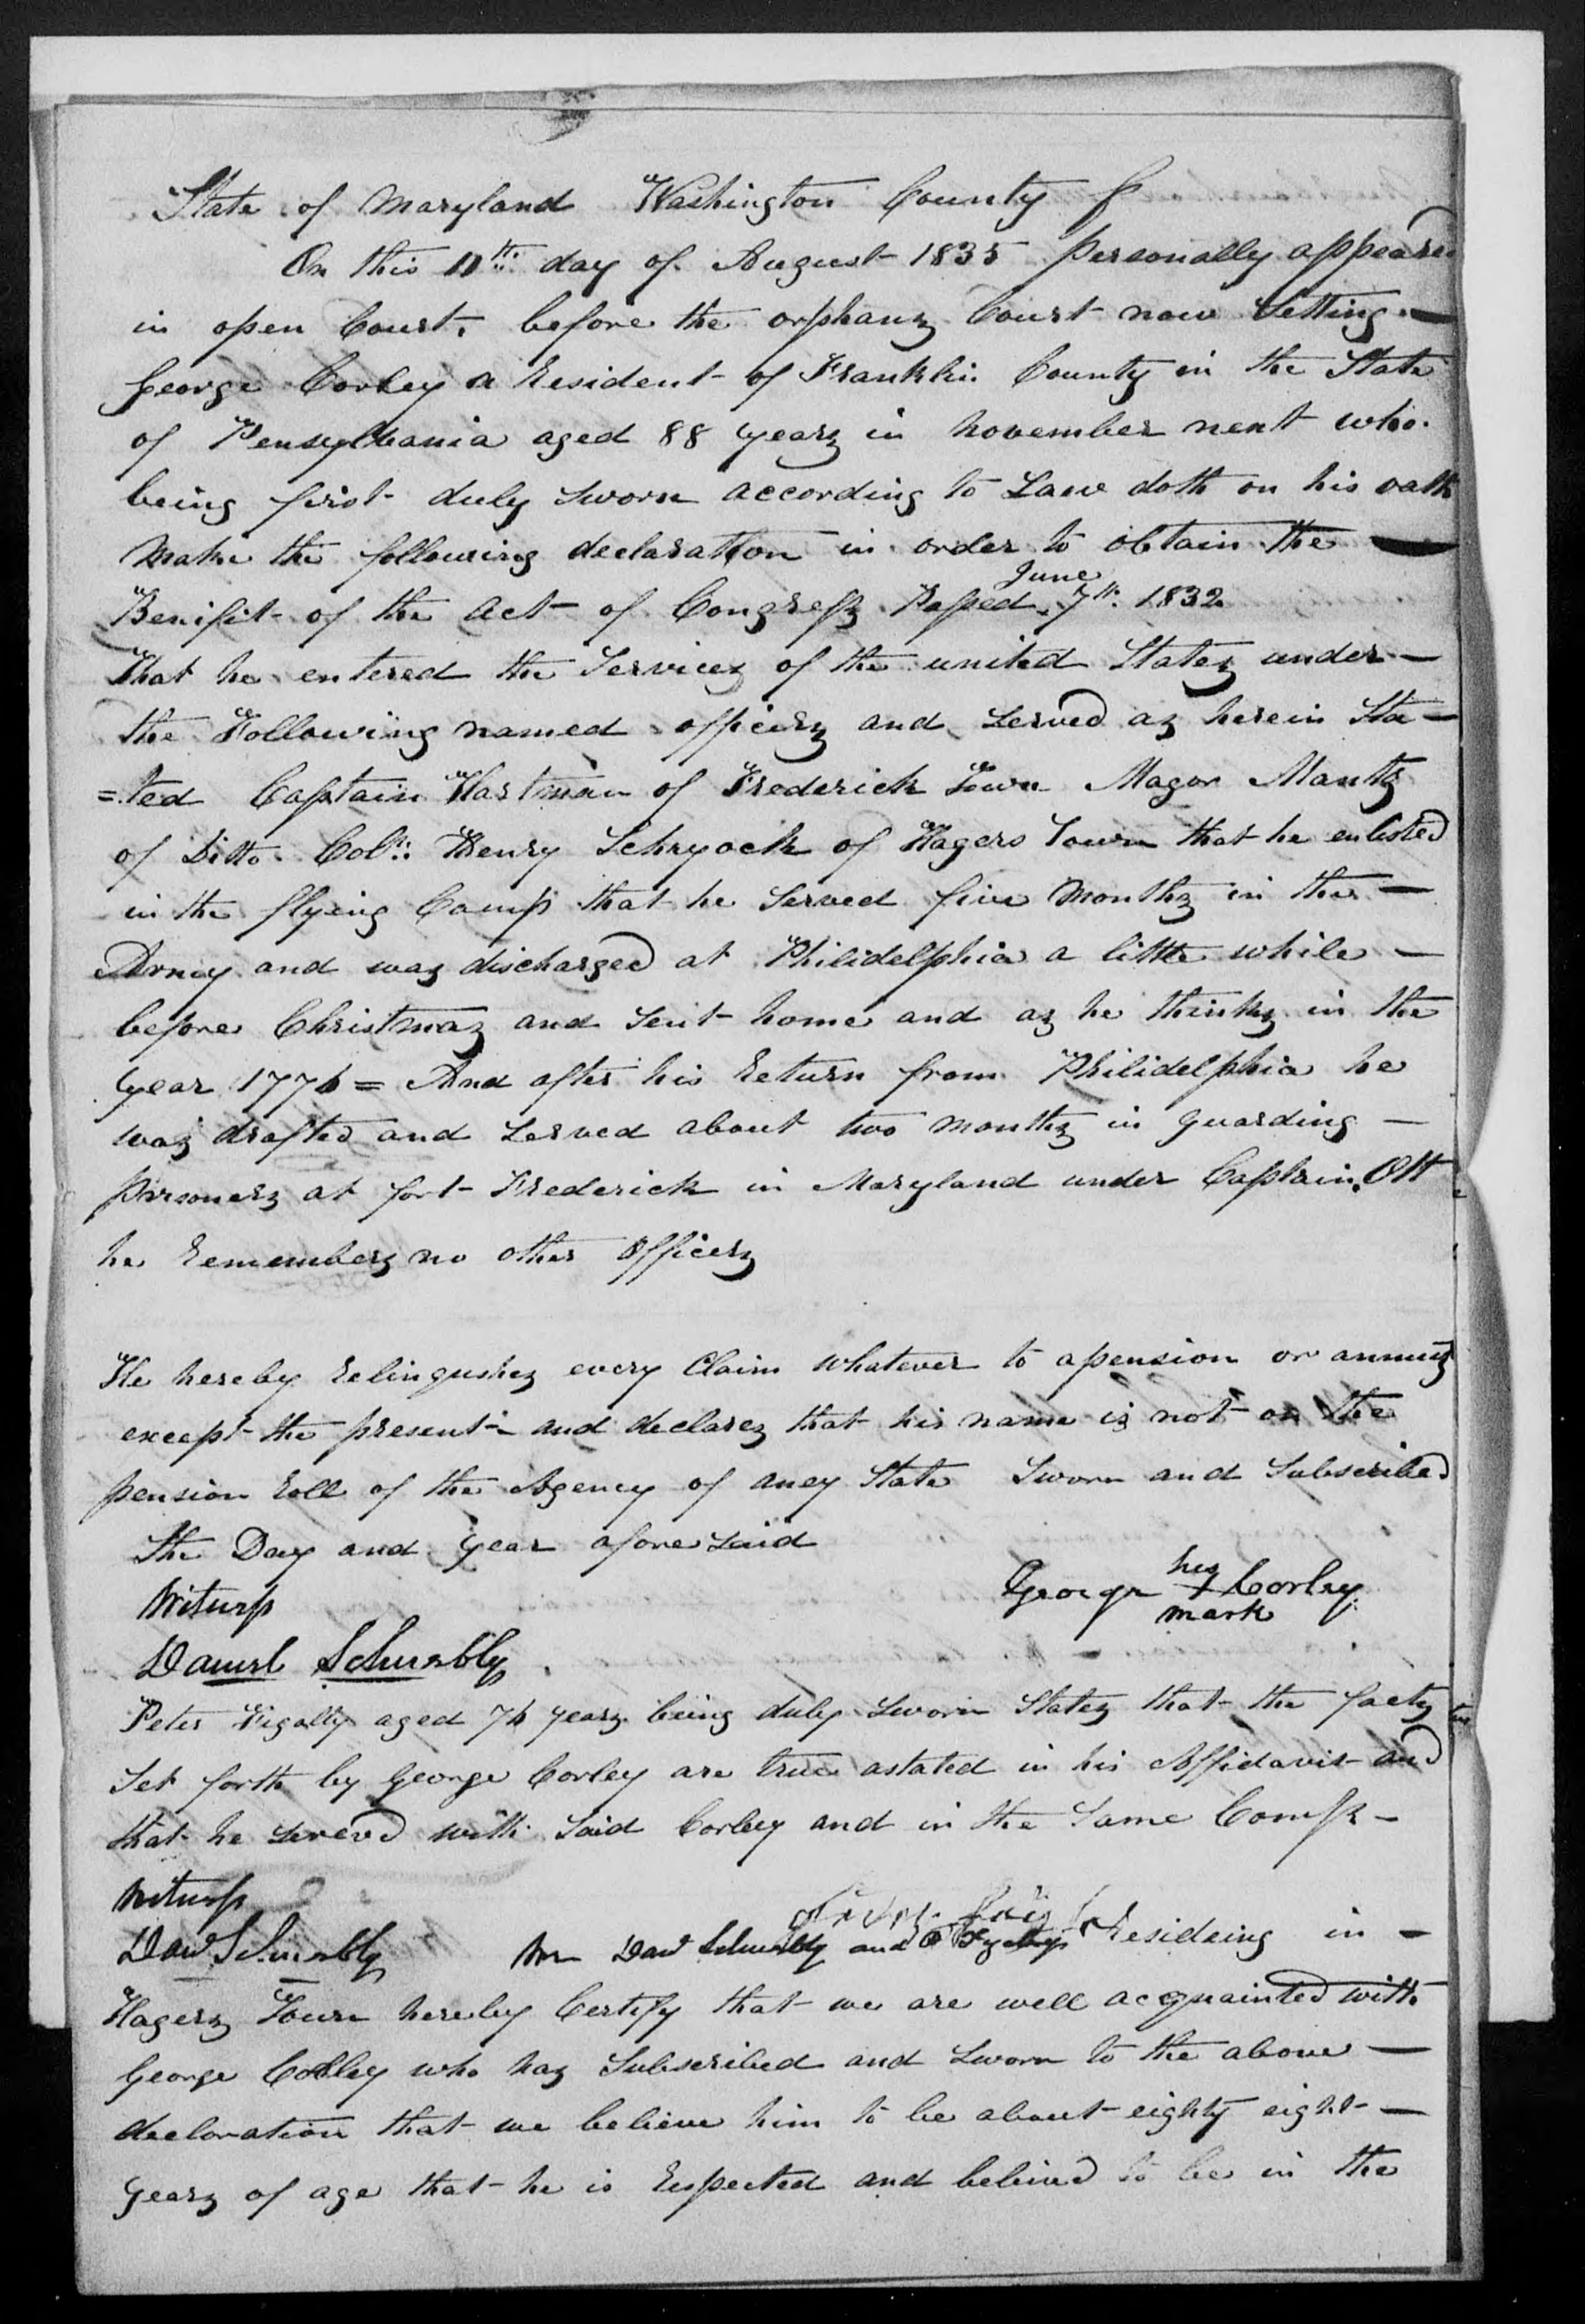State of Maryland Washington County Ss

On this 11th day of August 1835 personally appeared
in open Court, before the Orphans Court now sitting,
George Corley a resident of Franklin County in the State
of Pennsylvania aged 88 years in November next who
being first duly sworn according to Law doth on his oath
make the following declaration in order to obtain the
benefit of the act of Congress passed June 7th. 1832.

That he entered the Services of the United States under
the following named officers and served as herein sta-
ted Captain Wastman of Frederick Town Major Mantz
of ditto Col. Henry Schryock of Hagers Town that he enlisted
in the flying Camp that he served five months in the
Army and was discharged at Philadelphia a little while
before Christmas and sent home and as he thinks in the
year 1776. And after his return from Philadelphia he
was drafted and served about two months in guarding
prisoners at Fort Frederick in Maryland under Captain Ott
he remembers no other officers.

He hereby relinquishes every claim whatever to a pension or annuity
except the present and declares that his name is not on the
pension rolls of the Agency of any State  Sworn and Subscribed
the Day and year aforesaid

Witness  George X his mark Corley
Daniel Schurbly
______ ______

Peter Figalty aged 71 years being duly sworn states that the facts
set forth by George Corley are true as stated in his affidavit and
that he served with said Corley and in the same Comps.

Witness  Peter Figalty
Danl Schurbly

Mr. Danl. Schurbly and [illegible] residing in
Hagers Town hereby certify that we are well acquainted with
George Corley who has subscribed and sworn to the above
declaration that we believe him to be about eighty eight
years of age that he is respected and believed to be in the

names: George Corley, Mantz, Ott, Danl Schurbly, George Corley, George Corley, Henry Schryock, Daniel Schurbly, Danl Schnebly, Danl Schurbly, Corley, Peter Figalty, George Corley, Wastman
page: 4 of 22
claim: survivor's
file: S. 9,199, George Corley, Md.